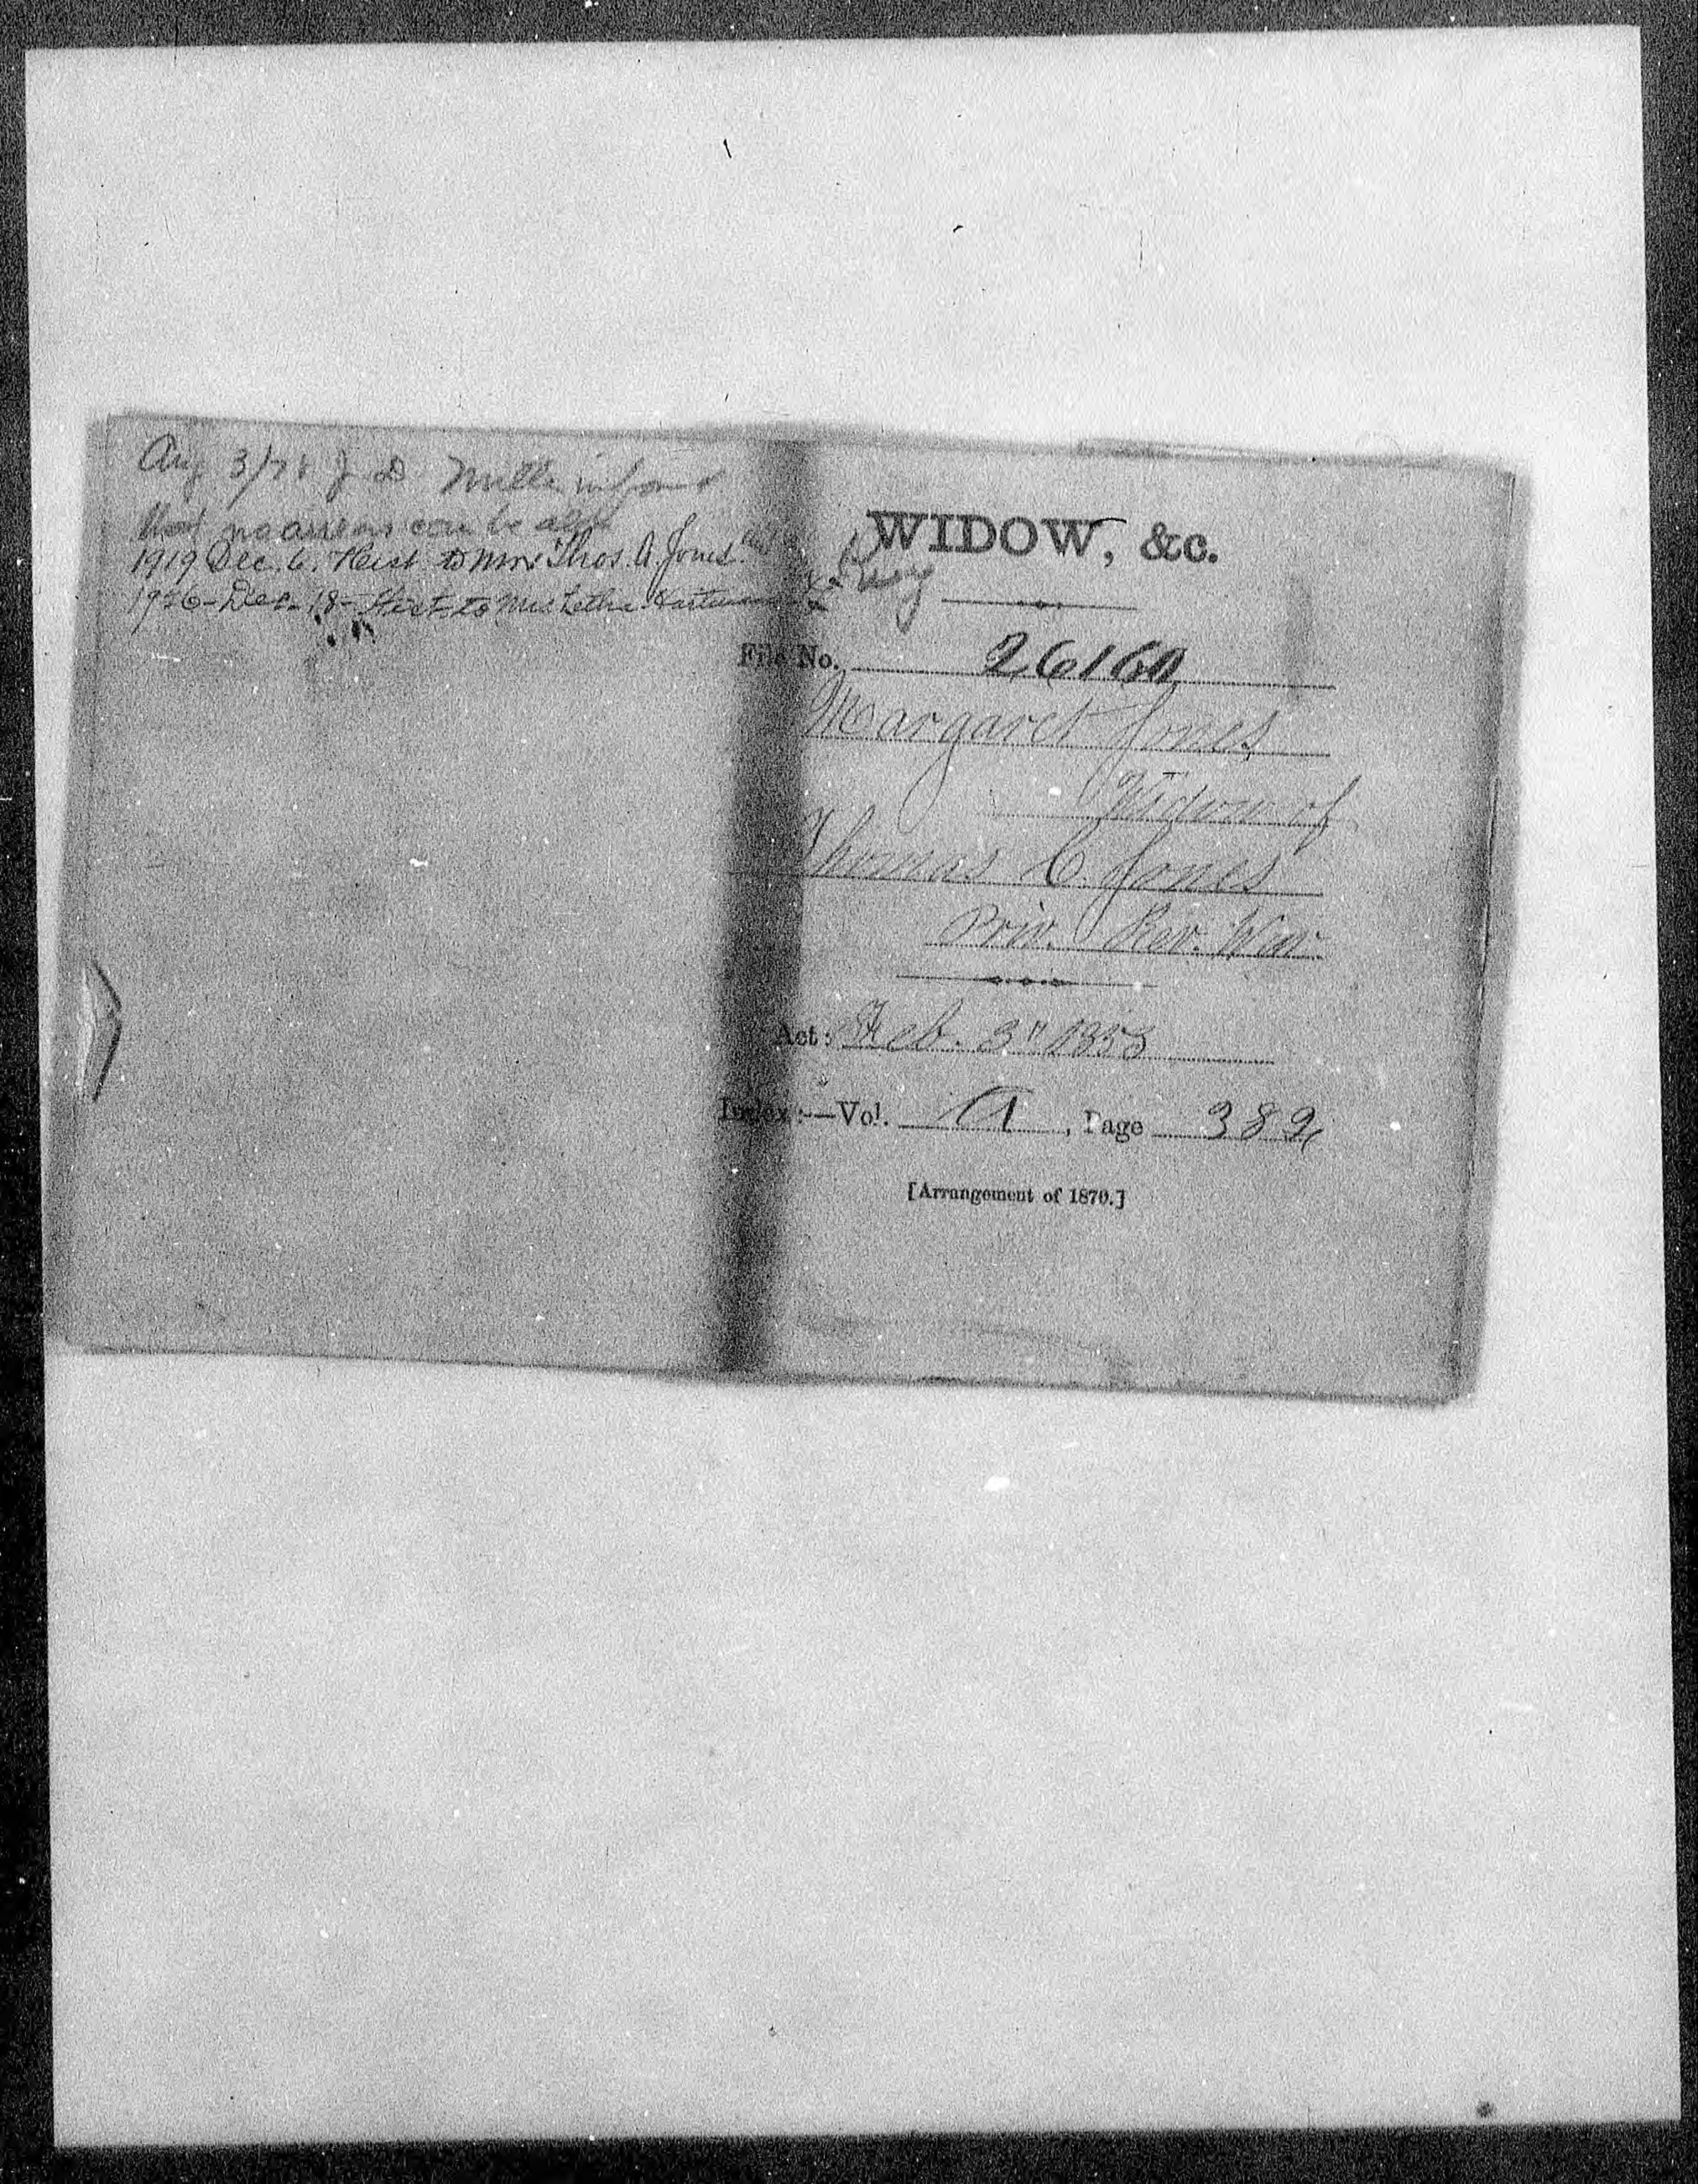Aug 3/76 J D Miller informed
that no arrears [possibly areas] can be al[illegible]
1919 Dec. 6  Hist. to Mrs. Thos. A. Jones
1926 Dec.18  Hist to Mrs. Letha Hartman

WIDOW, &c.
File No. 26160
Margaret Jones
Widow of
Thomas C. Jones
Priv. Rev.War
Act: Feb. 3 1855
Index: - Vol. A, Page 382

{Arrangement of 1870}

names: Letha Hartman; Margaret Jones; Thomas C Jones; Thos A Jones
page: 25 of 45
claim: widow's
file: W. 26160, for Thomas C Jones, Georgia